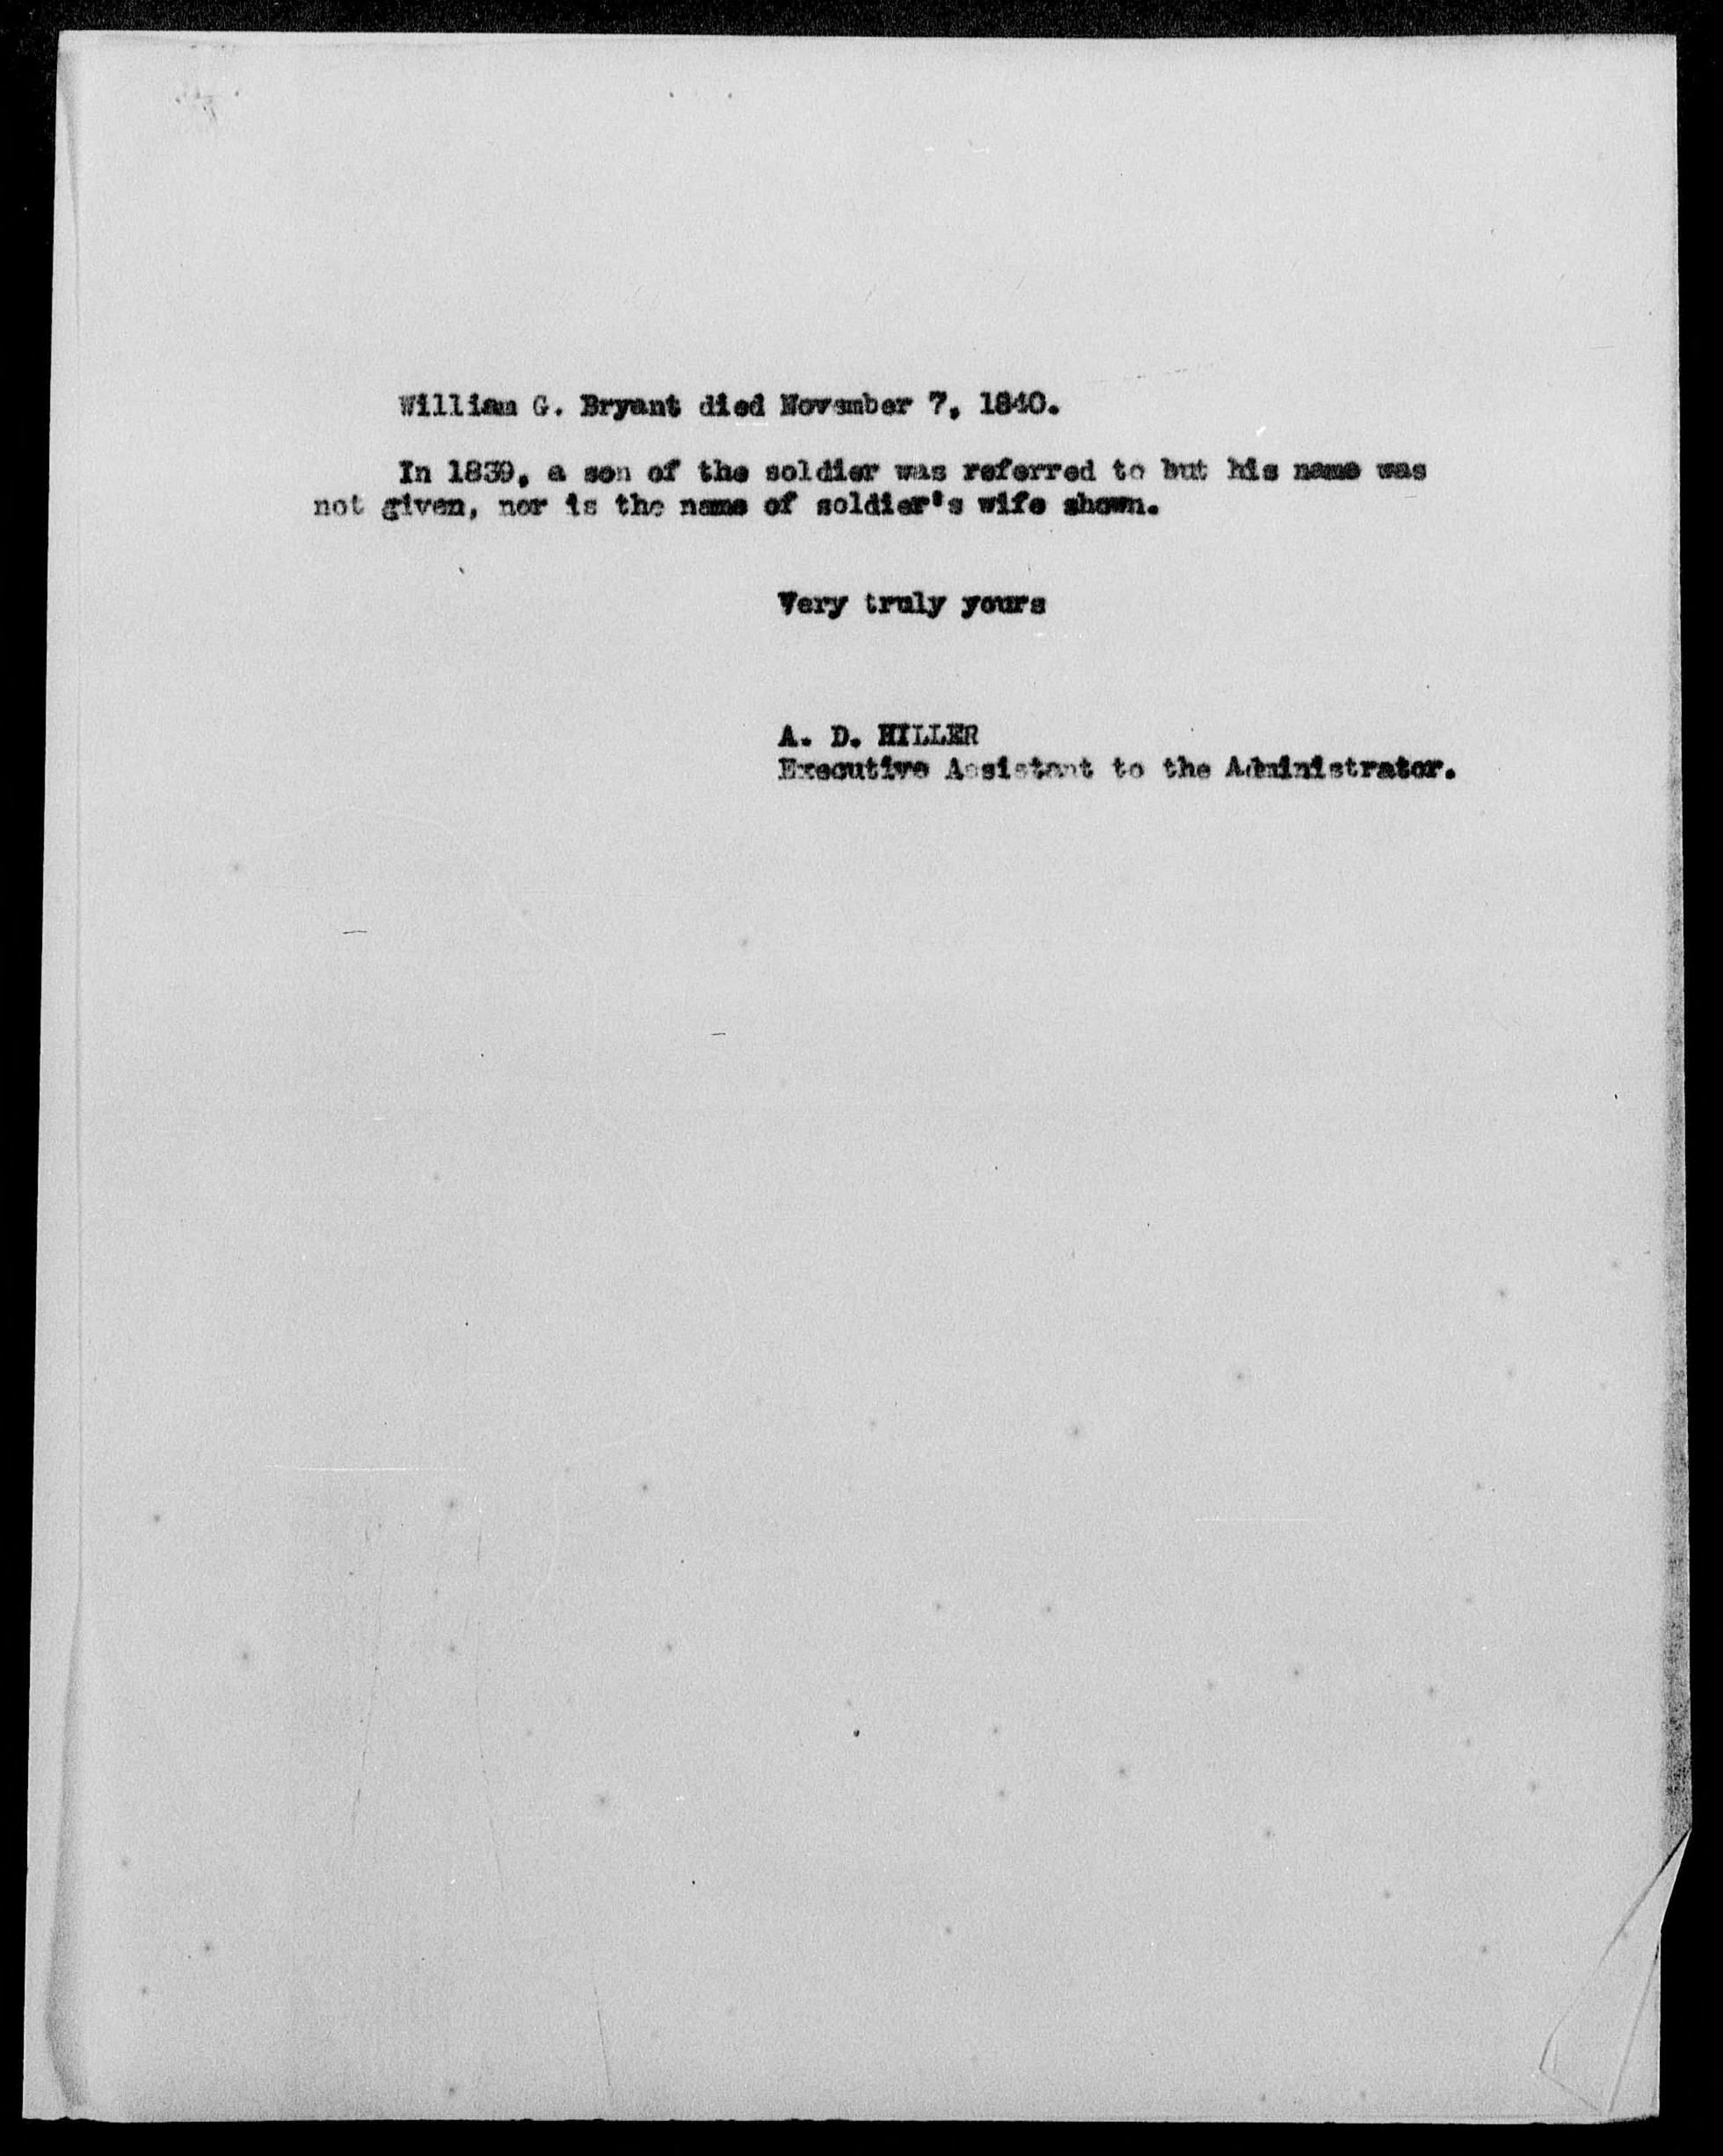William G. Bryant died November 7, 1840.

In 1839, a son of the soldier was referred to but his name was not given, nor is the name of soldier's wife shown.

Very truly yours

A.D. Hiller
Executive Assistant to the Administrator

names: A D Hiller, William G Bryant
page: 10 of 31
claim: survivor's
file: S. 3049, William G Bryant, Va.